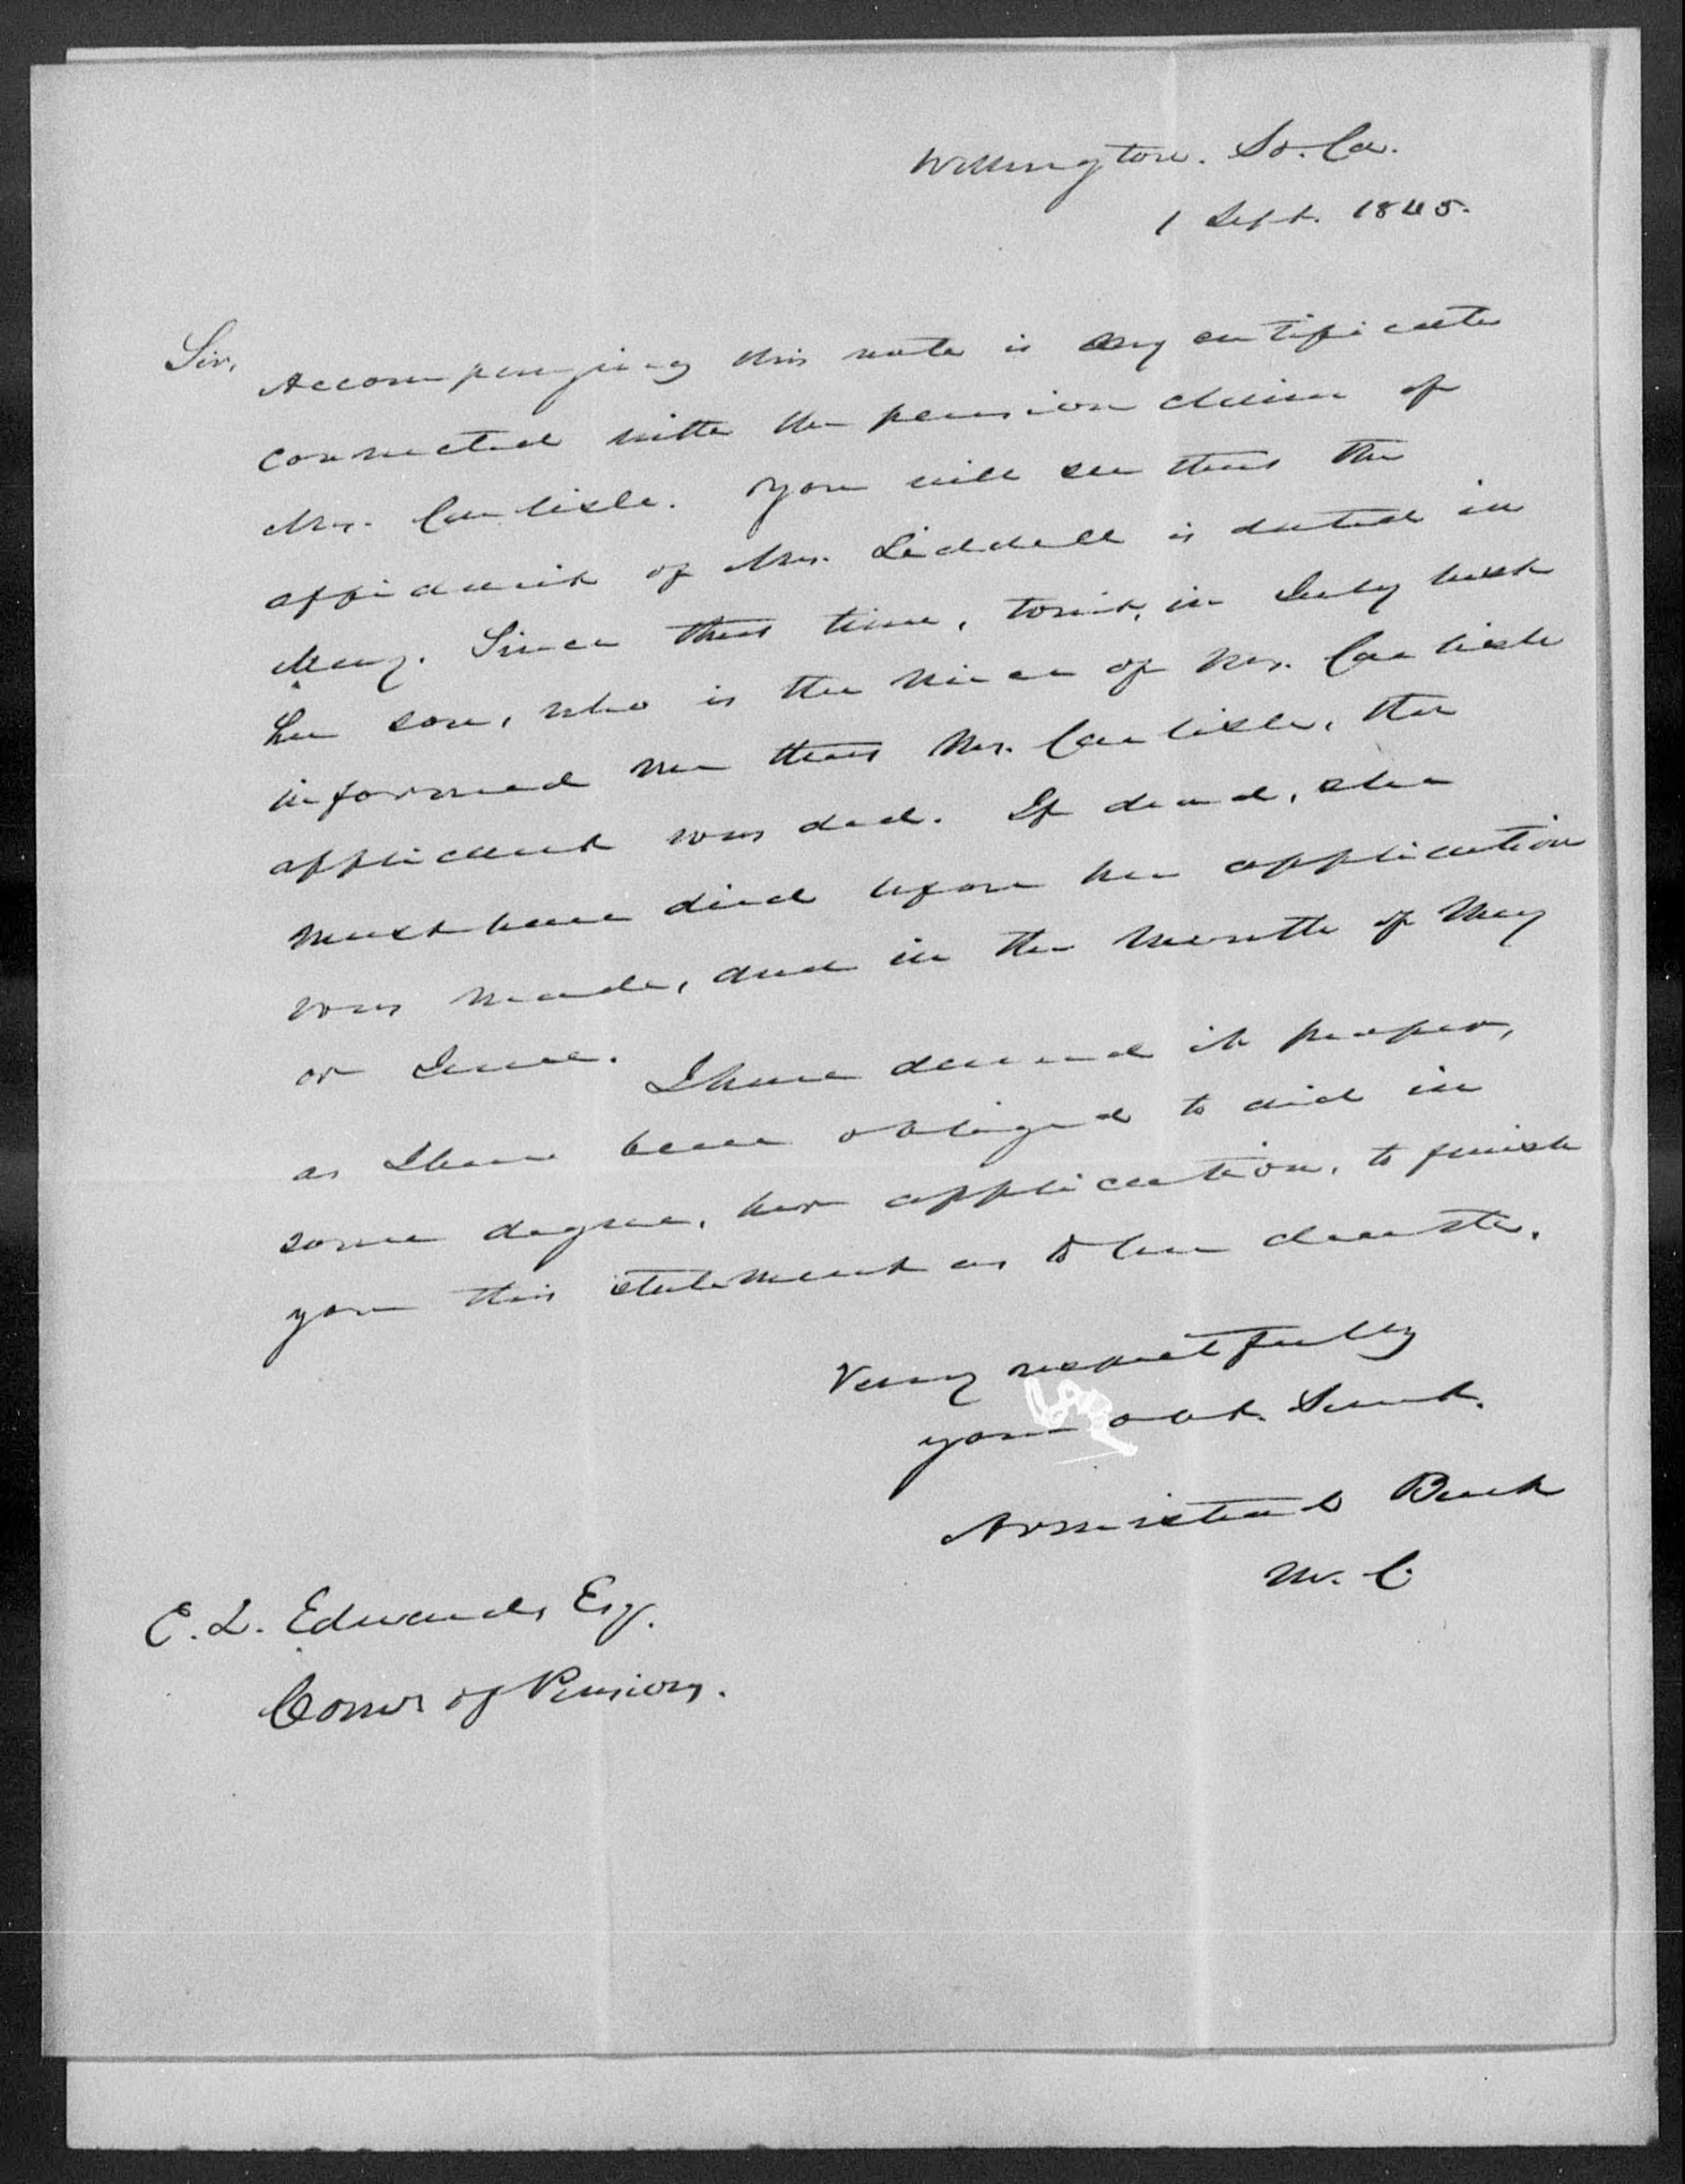Wilmington. So. Ca.
1 Sept. 1845
Sir Accompanying this note is my certificate connected with the pension claim of Mrs Carlisle
you will see that the
affidavit of Mrs Liddell is dated in
May. Since that time out in July last
her son, who is the niece of Mrs Carlisle informed me their Mrs Carlisle, the applicant was dead. If dead, she must have died before
her application was made, and in the month of May or June.
I have deemed it proper,
as I have been obliged to aid in
some degree her application, to furnish you this statement as to her
death
Very respectfully
your obt svt
Armistead Burt
M. C.
JL Edwards Esq.
Comr of Pensions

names: Carlisle, Armistead Burt, Carlisle, Liddell, Carlisle, J L Edwards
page: 58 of 91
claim: widow's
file: W. 10576, Francis Carlisle, S.C.